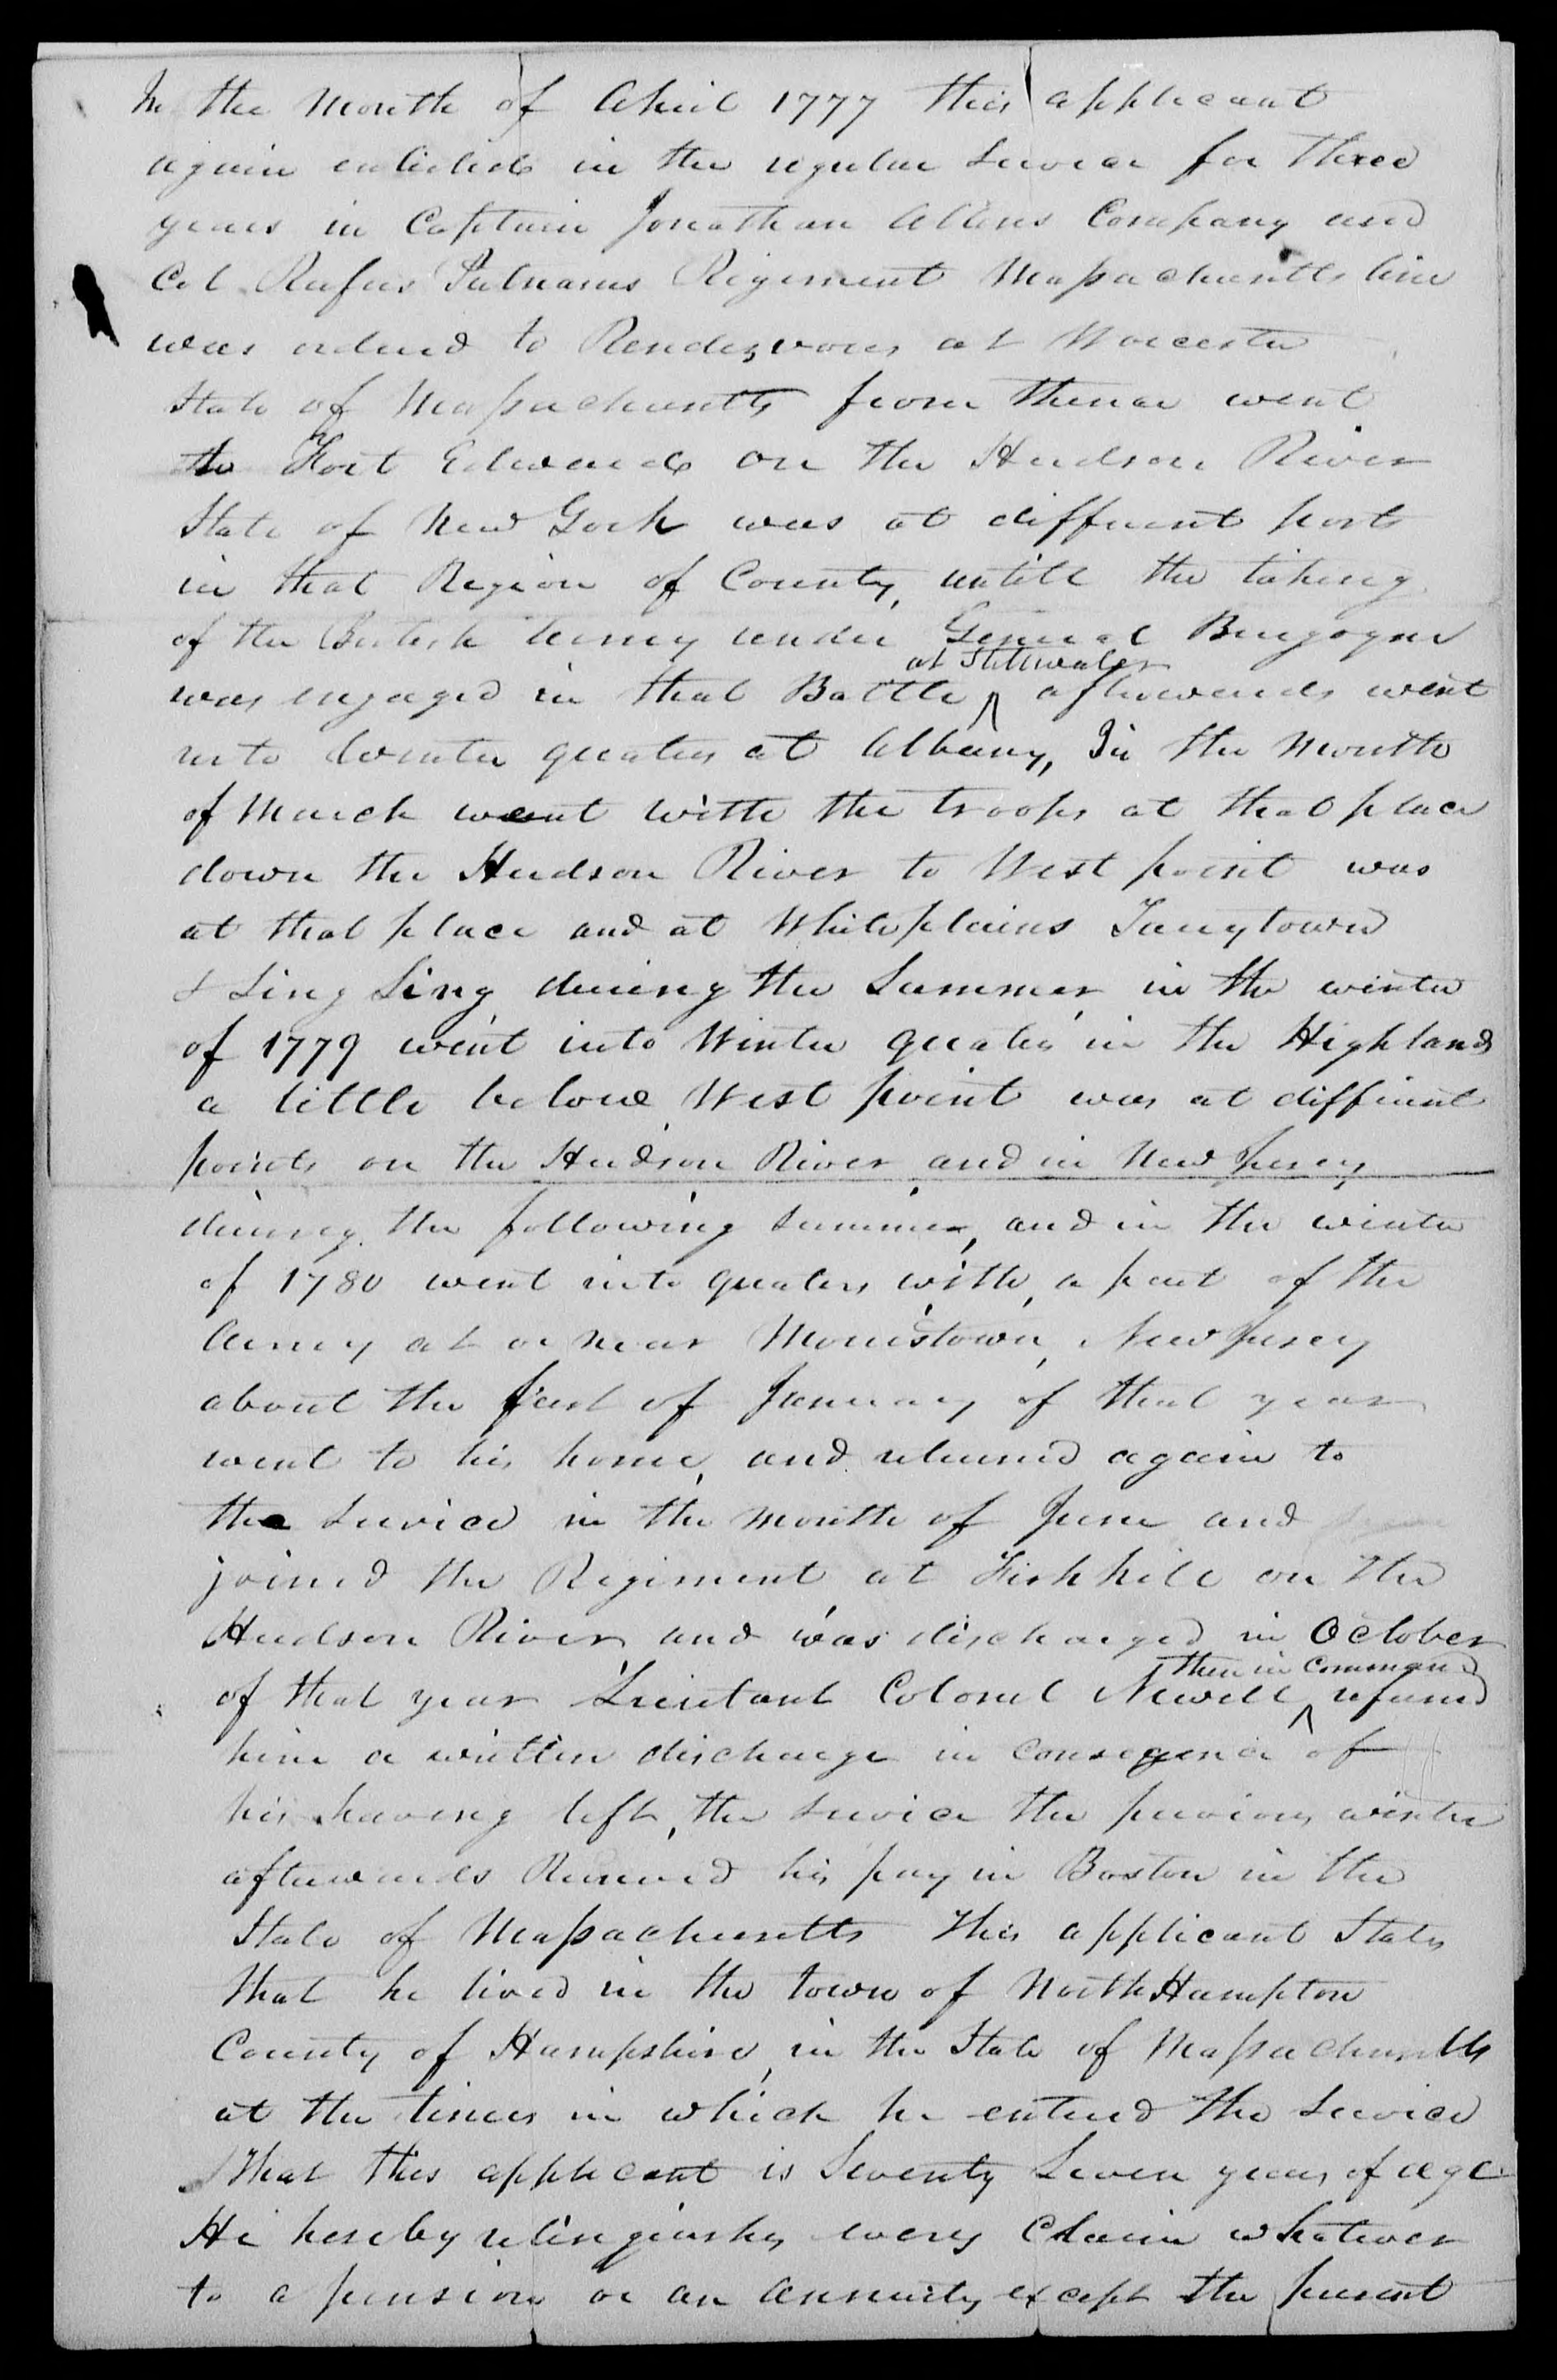In the month of April 1777 this applicant again enlisted in the regular service for three years in Captain Jonathan Allen's Company under Col Rufus Putnam's Regiment Massachusetts line  was ordered to Rendezvous at Worcester State of Massachusetts from thence went to Fort Edward on the Hudson River State of New York was at different forts in that Region of Country untill the taking of the British army under General Burgoyne was engaged in that Battle at Stillwater afterwards went into winter quarters at Albany, In the month of March went with the troops at that place down the Hudson River to West Point was at that place and at Whiteplains Tarrytown & Sing Sing during the Summer in the winter of 1779 went into Winter Quarters in the Highlands a little below West Point was at different points on the Hudson River and in New Jersey during the following summer and in the winter of 1780 went into quarters with a part of the army at or near Morristown, New Jersey about the first of January of that year went to his home and returned again to the service in the month of June and joined the Regiment at Fishkill on the Hudson River and was discharged in October of that year Lieutenant Colonel Newell, then in command refused him a written discharge in consequence of his having left the service the previous winter afterwards Received his pay in Boston in the State of Massachusetts This applicant states that he lived in the town of North Hampton County of Hampshire in the State of Massachusetts at the times in which he entered the service & that this applicant is Seventy Seven years of age. He hereby relinquishes every claim whatever to a pension or an annuity except the present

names: Burgoyne, Newell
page: 5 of 42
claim: survivor's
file: S. 29078, Paul Clapp, Mass.